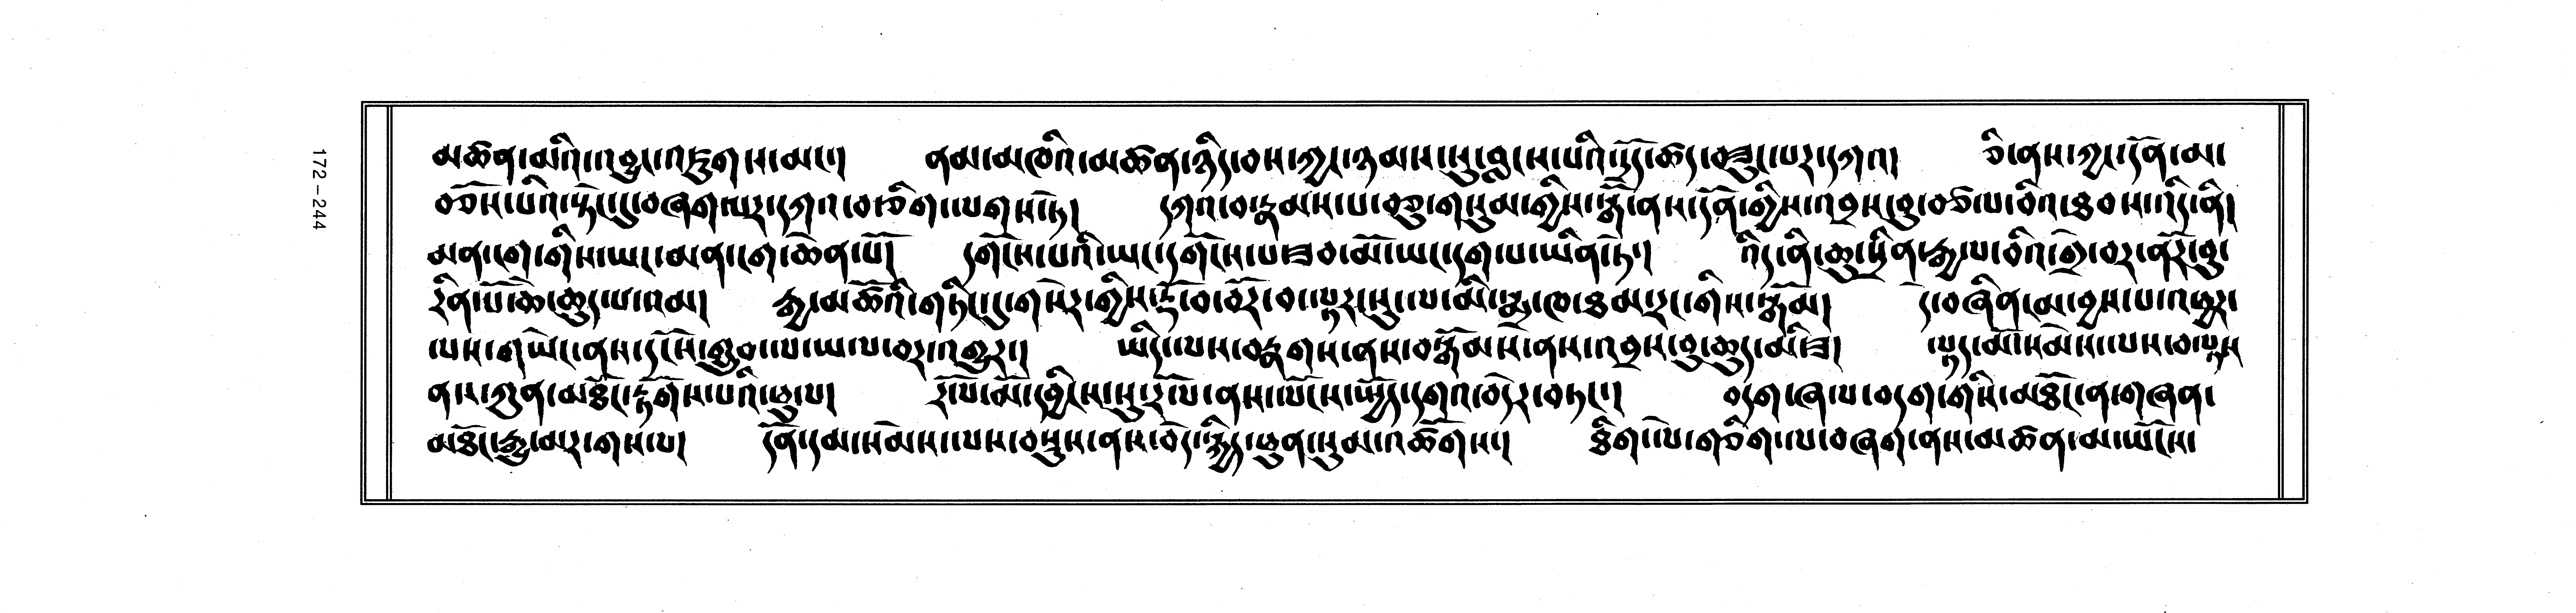མཚན་མའི་འབྱུང་འཇུགས་མང་། ནམ་མཁའི་མཚན་ཉིད་བས་ཀྱང་ཉམས་སུ་བླངས་པའ་དྲོད་ཚད་བཟུང་པར་དཀའ། ཅི་ནས་ཀྱང་དོན་མ་
བཅོས་པའི་སྟེང་དུ་བཞག་པར་དཀའ་བ་ཅིག་ལགས་ཏེ། དཀའ་བ་རྣམ་པ་བཅུ་གསུམ་གྱིས་སྒོ་ནས་དོན་གྱིས་འབྲས་བུ་བཙལ་བའི་ཐབས་འདི་ནི། 
མན་ངག་གིས་ཡང་མན་ངག་ཆེན་པོ། དགོངས་པའི་ཡང་དགོངས་པ་ཟབ་མོ་ཡང་དག་པ་ཡིན་ཏེ། འདི་ནི་ཆུ་སྲིན་རྒྱལ་བའི་གྲེ་བར་ནོར་བུ་
རིན་པོ་ཆེ་ཆུད་པ་འམ། རྒྱ་མཚོའི་གཏིང་དུ་གསེར་གྱིས་རྡོ་བ་བོར་བ་ལྟར་སུ་ལ་མི་སྨྲ་ཁ་ཐམ་རང་གིས་སྒོམ། དེ་བཞིན་མ་བྱས་པ་འཕྱར་
ལས་གཡེང་ནས་དངོས་གྲུབ་ལ་ཡལ་བར་འགྱུར། ཡིད་ལས་བརྣགས་ནས་བསྒོམས་ནས་འབྲས་བུ་ཆུད་མི་ཟ། ལྟད་མོ་སེམས་ལས་བལྟ་
ནས་ཀུན་མཐོང་རྟོགས་པའི་ཕུལ། རོལ་མོ་དབྱིངས་སུ་རོལ་ནས་ལོངས་སྤྱོད་དགའ་བདེར་བཏང་། བདག་ཞལ་བདག་གིས་མཐོང་བ་གཞན་
མཐོང་རྒྱུ་མར་གསལ། དོན་དམ་སེམས་ལས་བསྡུས་ནས་བདེ་སྐྱིད་ཕུན་སུམ་འཚོགས། ཐིག་ལེ་གཅིག་ལ་བཞག་ནས་མཚན་མ་ཡོངས་